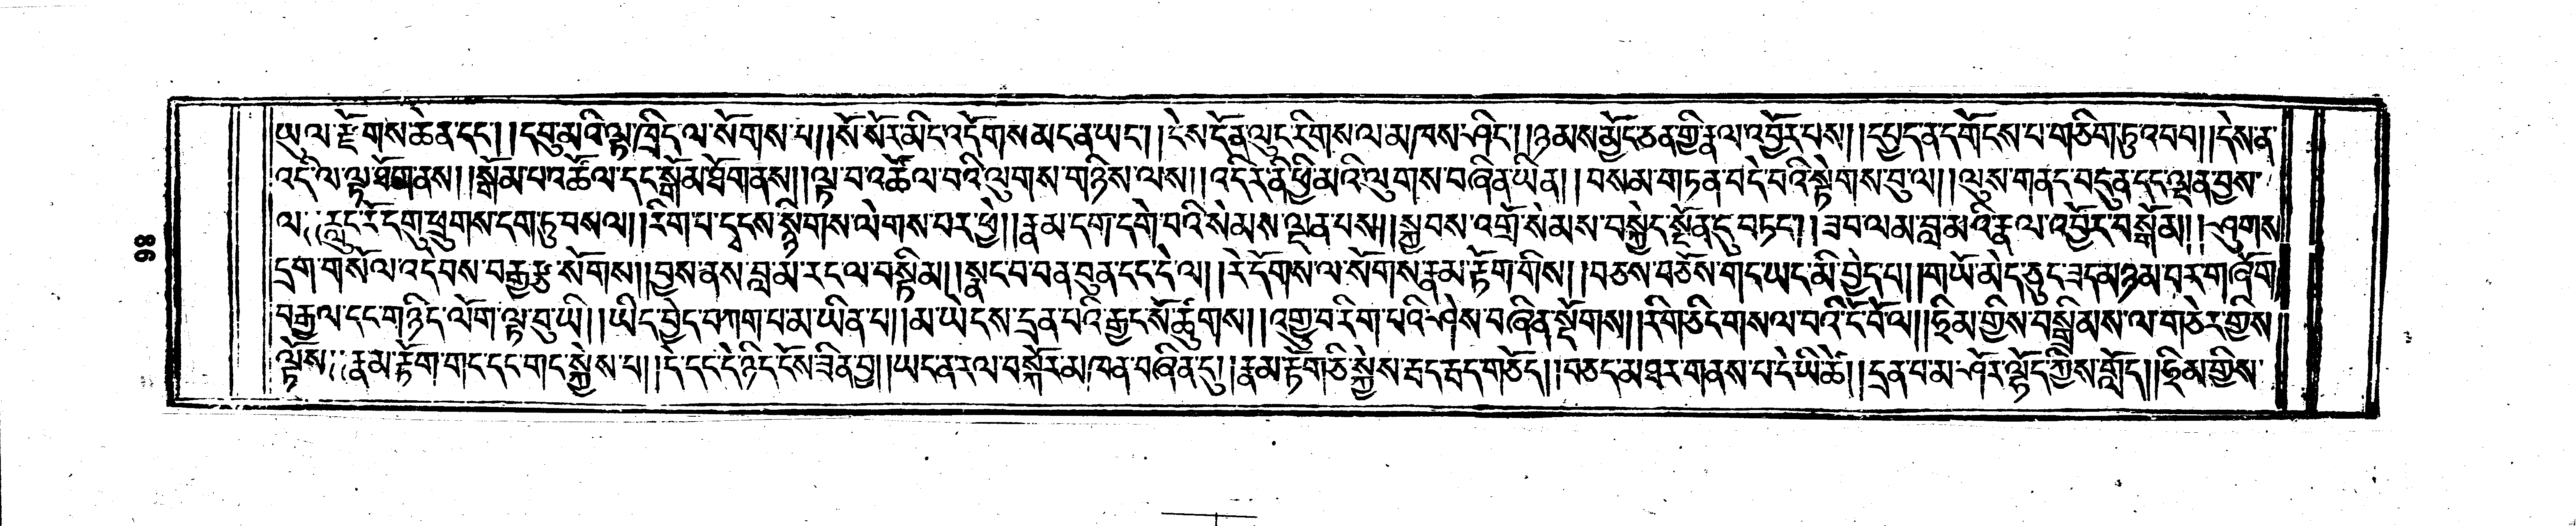ཡུལ་རྫོགས་ཆེན་དང་། །དབུ་མའི་ལྟ་ཁྲིད་ལ་སོགས་པ། །སོ་སོར་མིང་འདོགས་མང་ན་ཡང་། །ངེས་དོན་ལུང་རིགས་ལ་མཁས་ཤིང་། །ཉམས་མྱོང་ཅན་གྱི་རྣལ་འབྱོར་པས། །དཔྱད་ན་དགོངས་པ་གཅིག་ཏུ་འབབ། །དེས་ན་
འདི་ལ་ལྟ་ཐོག་ནས། །སྒོམ་པ་འཚོལ་དང་སྒོམ་ཐོག་ནས། །ལྟ་བ་འཚོལ་བའི་ལུགས་གཉིས་ལས། །འདིར་ནི་ཕྱི་མའི་ལུགས་བཞིན་ཡིན། །བསམ་གཏན་བདེ་བའི་སྟེགས་བུ་ལ། །ལུས་གནད་བདུན་དང་ལྡན་བྱས་
ལ། །རླུང་རོ་དགུ་ཕྲུགས་དག་ཏུ་བསལ། །རིག་པ་དྭངས་སྙིགས་ལེགས་པར་ཕྱེ། །རྣམ་དག་དགེ་བའི་སེམས་ལྡན་པས། །སྐྱབས་འགྲོ་སེམས་བསྐྱེད་སྔོན་དུ་བཏང་། །ཟབ་ལམ་བླ་མའི་རྣལ་འབྱོར་བསྒོམ། །ཤུགས་
དྲག་གསོལ་འདེབས་བརྒྱ་རྩ་སོགས། །བྱས་ནས་བླ་མ་རང་ལ་བསྟིམ། །སྣང་བ་བན་བུན་ངང་དེ་ལ། །རེ་དོགས་ལ་སོགས་རྣམ་རྟོག་གིས། །བཅས་བཅོས་གང་ཡང་མི་བྱེད་པ། །གཡོ་མེད་ཅུང་ཟད་མཉམ་པར་གཞོག །
བརྒྱལ་དང་གཉིད་ལོག་ལྟ་བུ་ཡི། །ཡིད་བྱེད་བཀག་པ་མ་ཡིན་པ། །མ་ཡེངས་དྲན་པའི་རྒྱང་སོ་ཚུགས། །འགྱུ་བ་རིག་པའི་ཤེས་བཞིན་སྡོགས། །རིག་ཅིང་གསལ་བའི་ངོ་བོ་ལ། །ཧྲིམ་གྱིས་བསྒྲིམས་ལ་གཅེར་གྱིས་
ལྟོས། །རྣམ་རྟོག་གང་དང་གང་སྐྱེས་པ། །དེ་དང་དེ་ཉིད་ངོས་ཟིན་བྱ། །ཡང་ན་རལ་བསྐོར་མཁན་བཞིན་དུ། །རྣམ་རྟོག་ཅི་སྐྱེས་རྦད་རྦད་གཅོད། །བཅད་མཐར་གནས་པ་དེ་ཡི་ཚེ། །དྲན་པ་མ་ཤོར་ལྷོད་ཀྱིས་གློད། །ཧྲིམ་གྱིས་